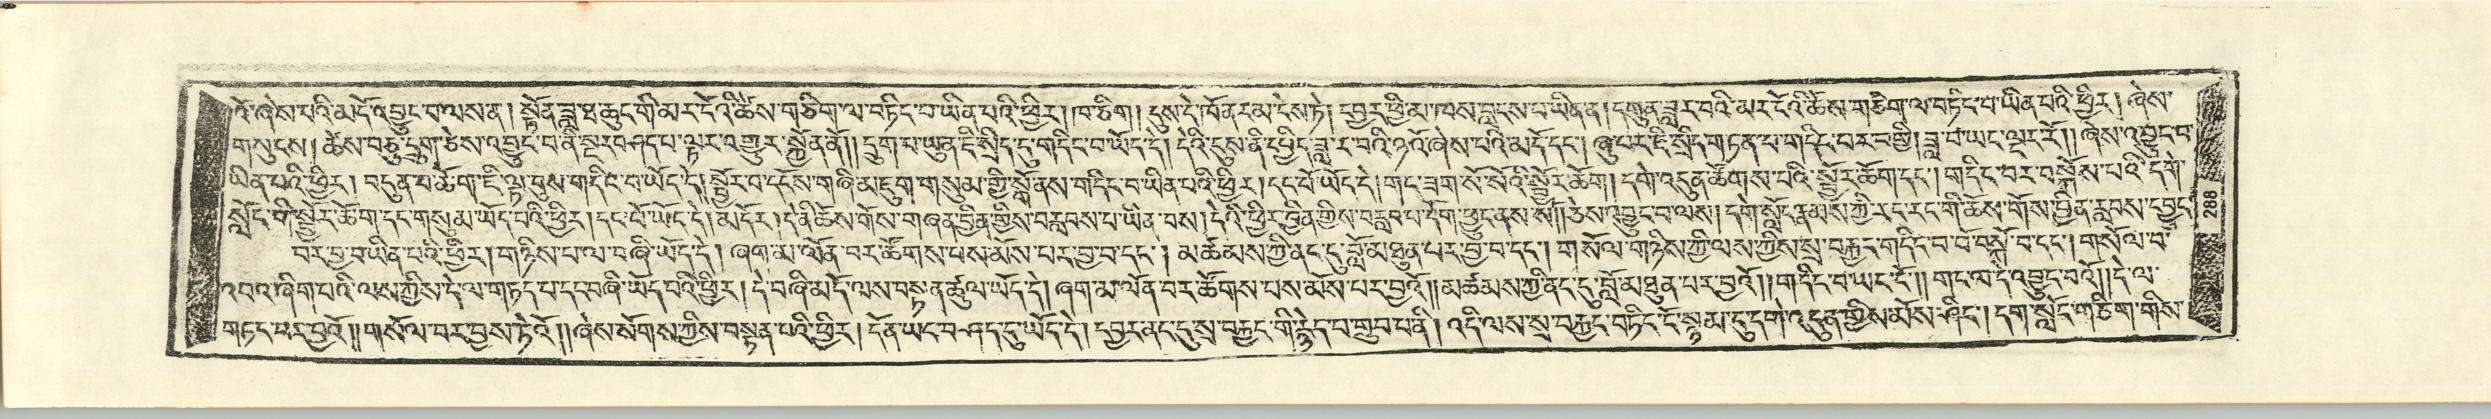འོ་ཞེས་པའི་མདོ་འབྱུང་བ་ལས་ན། སྟོན་ཟླ་ཐ་ཆུང་གི་མར་ངོའི་ཚེས་གཅིག་ལ་བཏིང་བ་ཡིན་པའི་ཕྱིར། ཁ་ཅིག །དུས་དེ་ཁོ་ནར་མ་ངེས་ཏེ། དབྱར་ཕྱི་མ་ཁས་བླངས་པ་ཡིན་ན། དགུན་ཟླར་བའི་མར་ངོའི་ཆོས་གཅིག་ལ་བཏིང་བ་ཡིན་པའི་ཕྱིར། ཞེས་
གསུངས། ཚེས་བཅུ་དྲུག་ཅེས་འབྱུང་བ་ནི་སྔར་བཤད་པ་ལྟར་འགྱུར་སྐྱོན་ནོ། །དྲུག་པ་ཡུན་ཇི་སྲིད་དུ་གདིང་བ་ཡོད་དེ། དེའི་དུས་ནི་དབྱིད་ཟླ་ར་བའི་ཉའོ་ཞེས་པའི་མདོ་དང་། ཞུ་བར་ཇི་སྲིད་གཏན་པ་གདིང་བར་བགྱི། ཟླ་བ་ཡང་ལྔར་རོ། །ཞེས་འབྱུང་བ་
ཡིན་པའི་ཕྱིར། བདུན་པ་ཆོ་ག་ཇི་ལྟ་བུས་གདིང་བ་ཡོད་དེ། སྦྱོར་བ་དངོས་གཞི་མཇུག་གསུམ་གྱི་སྒོ་ནས་གདིང་བ་ཡིན་པའི་ཕྱིར། དང་པོ་ཡོད་དེ། གང་ཟག་སོ་སོའི་སྦྱོར་ཆོག། དགེ་འདུན་ཚོགས་པའི་སྦྱོར་ཆོག་དང་། གདིང་བར་བསྐོས་པའི་དགེ་
སློང་གི་སྦྱོར་ཆོ་ག་དང་གསུམ་ཡོད་པའི་ཕྱིར། དང་པོ་ཡོད་དེ། མདོར། དེ་ནི་ཆོས་གོས་གཞན་བྱིན་གྱིས་བརླབས་པ་ཡིན་པས། དེའི་ཕྱིར་བྱིན་གྱིས་བརླབ་པ་དོག་ཕྱུང་ནས་སོ། །ཅེས་འབྱུང་བ་ལས། དགེ་སློང་རྣམས་ཀྱི་རང་རང་གི་ཆོས་གོས་བྱིན་རླབས་དབྱུང་
བར་བྱ་བ་ཡིན་པའི་ཕྱིར། གཉིས་པ་ལ་བཞི་ཡོད་དེ། ཞག་མ་ལོན་བར་ཚོགས་པས་མོས་པར་བྱ་བ་དང་། མཚམས་ཀྱི་ནང་དུ་བློ་མཐུན་པར་བྱ་བ་དང་། གསོལ་གཉིས་ཀྱི་ལས་ཀྱིས་སྲ་བརྐྱང་གདིང་བ་བོ་བསྐོ་བ་དང་། གསོལ་བ་
འབའ་ཞིག་པའི་ལས་ཀྱིས་དེ་ལ་གཏད་པ་དང་བཞི་ཡོད་པའི་ཕྱིར། དེ་བཞི་མདོ་ལས་བསྟན་ཚུལ་ཡོད་དེ། ཞག་མ་ལོན་བར་ཚོགས་པས་མོས་པར་བྱའོ། །མཚམས་ཀྱི་ནང་དུ་བློ་མཐུན་པར་བྱའོ། །གདིང་བ་ཡང་ངོ། །གང་ལ་དེ་འབྱུང་བའོ། །དེ་ལ་
གཏང་བར་བྱའོ། །གསོལ་བར་བྱས་ཏེའོ། །ཞེས་སོགས་ཀྱིས་བསྟན་པའི་ཕྱིར། དོན་ཡང་བཤད་དུ་ཡོད་དེ། དབྱར་ནང་དུ་སྲ་བརྐྱང་གི་རྙེད་བ་གྲུབ་པ་ནི། འདི་ལས་སྲ་བརྐྱང་བཏིང་ངོ་སྙམ་དུ་དགེ་འདུན་གྱིས་མོས་ཤིང་། དག་སློང་གཅིག་གིས་